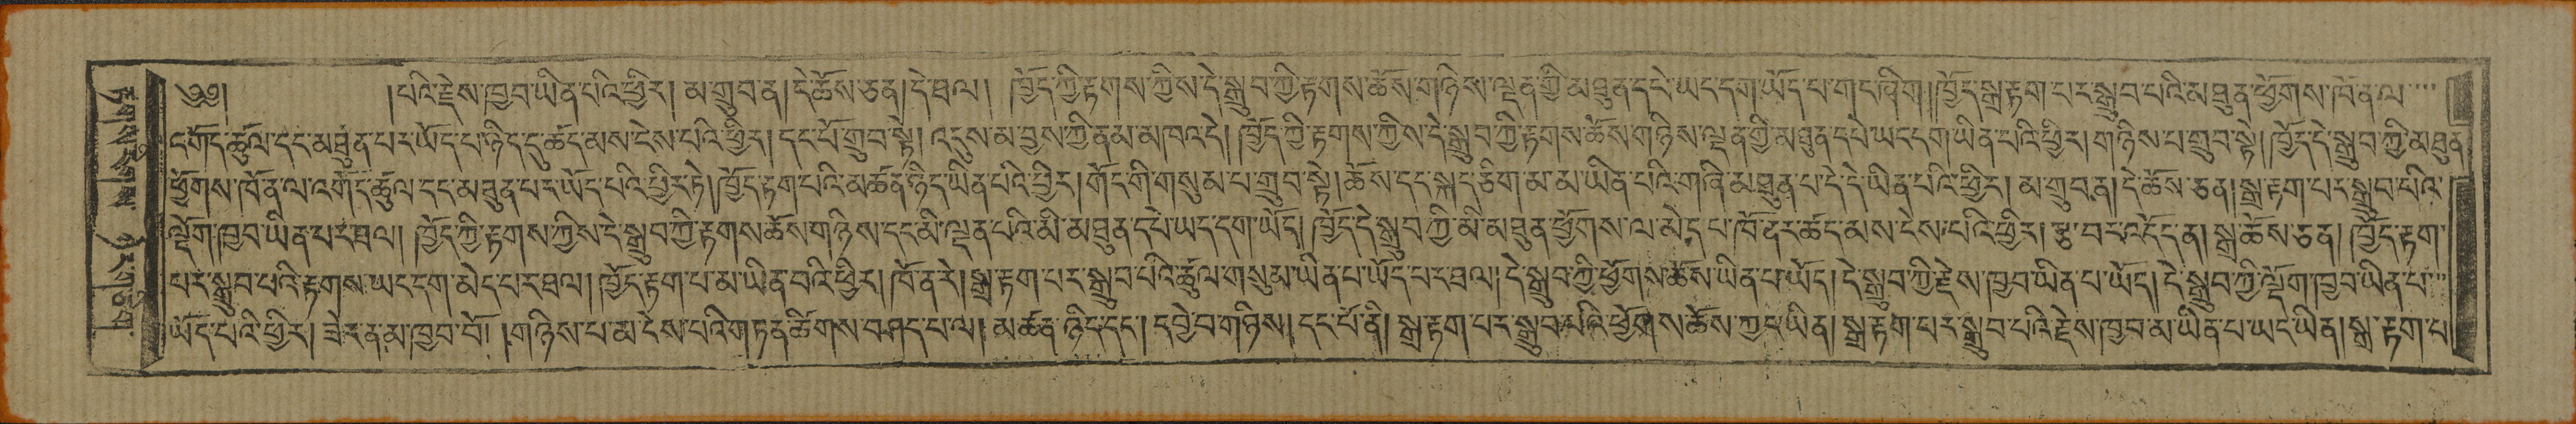༄༅། །པའི་རྗེས་ཁྱབ་ཡིན་པའི་ཕྱིར། མ་གྲུབ་ན། དེ་ཆོས་ཅན། དེ་ཐལ། ཁྱོད་ཀྱི་རྟགས་ཀྱིས་དེ་སྒྲུབ་ཀྱི་རྟགས་ཆོས་གཉིས་ལྡན་གྱི་མཐུན་དཔེ་ཡང་དག་ཡོད་པ་གང་ཞིག །ཁྱོད་སྒྲ་རྟག་པར་སྒྲུབ་པའི་མཐུན་ཕྱོགས་ཁོ་ན་ལ་
འགོད་ཚུལ་དང་མཐུན་པར་ཡོད་པ་ཉིད་དུ་ཚད་མས་ངེས་པའི་ཕྱིར། དང་པོ་གྲུབ་སྟེ། འདུས་མ་བྱས་ཀྱི་ནམ་མཁའ་དེ། ཁྱོད་ཀྱི་རྟགས་ཀྱིས་དེ་སྒྲུབ་ཀྱི་རྟགས་ཆོས་གཉིས་ལྡན་གྱི་མཐུན་དཔེ་ཡང་དག་ཡིན་པའི་ཕྱིར། གཉིས་པ་གྲུབ་སྟེ། ཁྱོད་དེ་སྒྲུབ་ཀྱི་མཐུན་
ཕྱོགས་ཁོ་ན་ལ་འགོད་ཚུལ་དང་མཐུན་པར་ཡོད་པའི་ཕྱིར་ཏེ། ཁྱོད་རྟག་པའི་མཚན་ཉིད་ཡིན་པའི་ཕྱིར། གོང་གི་གསུམ་པ་གྲུབ་སྟེ། ཆོས་དང་སྐད་ཅིག་མ་མ་ཡིན་པའི་གཞི་མཐུན་པ་དེ་དེ་ཡིན་པའི་ཕྱིར། མ་གྲུབ་ན། དེ་ཆོས་ཅན། སྒྲ་རྟག་པར་སྒྲུབ་པའི་
ལྡོག་ཁྱབ་ཡིན་པར་ཐལ། ཁྱོད་ཀྱི་རྟགས་ཀྱིས་དེ་སྒྲུབ་ཀྱི་རྟགས་ཆོས་གཉིས་དང་མི་ལྡན་པའི་མི་མཐུན་དཔེ་ཡང་དག་ཡོད། ཁྱོད་དེ་སྒྲུབ་ཀྱི་མི་མཐུན་ཕྱོགས་ལ་མེད་པ་ཁོ་ནར་ཚད་མས་ངེས་པའི་ཕྱིར། རྩ་བར་འདོད་ན། སྒྲ་ཆོས་ཅན། ཁྱོད་རྟག་
པར་སྒྲུབ་པའི་རྟགས་ཡང་དག་མེད་པར་ཐལ། ཁྱོད་རྟག་པ་མ་ཡིན་པའི་ཕྱིར། ཁོ་ན་རེ། སྒྲ་རྟག་པར་སྒྲུབ་པའི་ཚུལ་གསུམ་ཡིན་པ་ཡོད་པར་ཐལ། དེ་སྒྲུབ་ཀྱི་ཕྱོགས་ཆོས་ཡིན་པ་ཡོད། དེ་སྒྲུབ་ཀྱི་རྗེས་ཁྱབ་ཡིན་པ་ཡོད། དེ་སྒྲུབ་ཀྱི་ལྡོག་ཁྱབ་ཡིན་པ་
ཡོད་པའི་ཕྱིར། ཟེར་ན་མ་ཁྱབ་བོ། །གཉིས་པ་མ་ངེས་པའི་གཏན་ཚིགས་བཤད་པ་ལ། མཚན་ཉིད་དང་། དབྱེ་བ་གཉིས། དང་པོ་ནི། སྒྲ་རྟག་པར་སྒྲུབ་པའི་ཕྱོགས་ཆོས་ཀྱང་ཡིན། སྒྲ་རྟག་པར་སྒྲུབ་པའི་རྗེས་ཁྱབ་མ་ཡིན་པ་ཡང་ཡིན། སྒྲ་རྟག་པ་